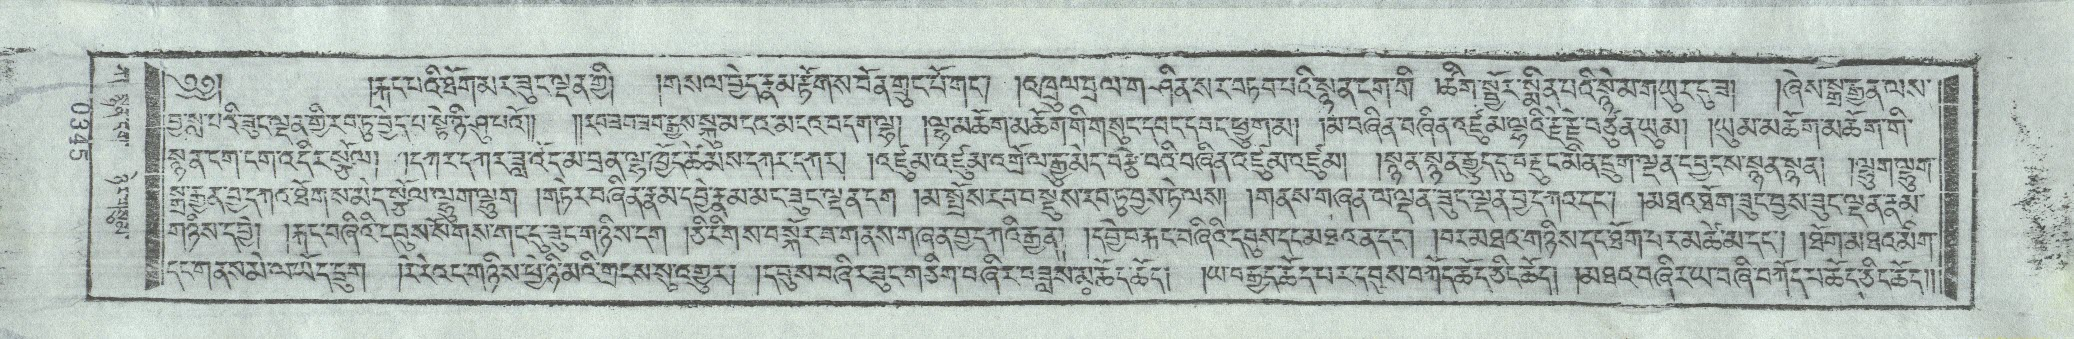༄༅། །རྐང་བའི་ཐོག་མར་ཟུང་ལྡན་གྱི། །གསལ་བྱེད་རྣམ་རྟོགས་བོན་གྲུང་པོ་གང་། འཁྲུལ་བྲལ་གཤིན་སར་བཏབ་པའི་སྙན་ངག་གི །ཚིག་སྦྱོར་སྨིན་པའི་སྙེ་མ་གཡུར་དུ་ཟ། །ཞེས་སྒྲ་རྒྱན་ལས་
བྱ་སླ་བའི་ཟུང་ལྡན་གྱི་རབ་ཏུ་བྱེད་པ་སྟེ་ཉི་ཤུ་པའོ།། །།རབ་ཟབ་ཟབ་རྒྱས་སྐུ་མངའ་མདའ་བདག་ལྷ། །ལྷ་མཆོད་མཆོག་གི་གསུང་དབང་དབང་ཕྱུག་མ། །མ་བཞིན་བཞིན་འཛུམ་ལྷའི་རྗེ་རྗེ་བཙུན་ཡུམ། །ཡུམ་མཆོག་མཆོག་གི་
སྙན་ངག་འདིར་སྩོལ་།དཀར་དཀར་ཟླ་འོད་མ་བྲན་ལྷ་ཁྱོད་ཚེམས་དཀར་དཀར། །འཛུམ་འཛུམ་འགྲོལ་རྒྱུ་མེད་བརྩེ་བའི་བཞིན་འཛུམ་འཛུམ། །སྙན་སྙན་རྒྱུད་དུ་བརྡུང་མིན་དྲུག་ལྡན་དབྱངས་སྙན་སྙན། །ལྷུག་ལྷུག་
སྒྲ་རྒྱན་བྱ་དཀའ་ཐོགས་མེད་སྩོལ་ལྷུག་ལྷུག །གཏེར་བཞིན་རྣམ་དབྱེ་རྣམ་མང་ཟུང་ལྡན་དག །མ་སྤྲོས་རབ་ཏུ་བྱས་ཏེ་ལས། །གནས་གཞན་ལ་ལྡན་ཟུང་ལྡན་བྱ་དཀའ་དང་། །མཐའ་ཐོག་ཟུང་བྱས་ཟུར་ལྡན་རྣམ་
གཉིས་དབྱེ། །རྐང་བཞིའི་དབུས་སོགས་གང་དུ་ཟུང་གཉིས་དག །ཅི་རིགས་བསྐོར་བ་གནས་གཞན་བྱ་དཀའི་རྒྱན། །དབྱེ་བ་རྐང་བཞིའི་དབུས་དང་མཐའ་ན་དང་། །བར་མཐའ་གཉིས་དང་ཐོག་པར་མཚེ་མ་དང་། །ཐོག་མཐའ་མིག་
དང་གནས་མེ་ལ་ཡོད་དྲུག །རེ་རེའང་གཉིས་ཕྱེ་ཉི་མའི་གྲངས་སུ་འགྱུར། །དབུས་བཞིར་ཟུང་གཅིག་བཞིན་བཟླས་མཆོད་ཆོད། །ཡ་བརྒྱད་ཆོད་པར་དབུས་བཀོད་ཆོད་ཅིང་ཆོད། །མཐའ་བཞིར་ཡ་བཞི་བཀོད་པ་ཆོད་ཅིང་ཆོད། །